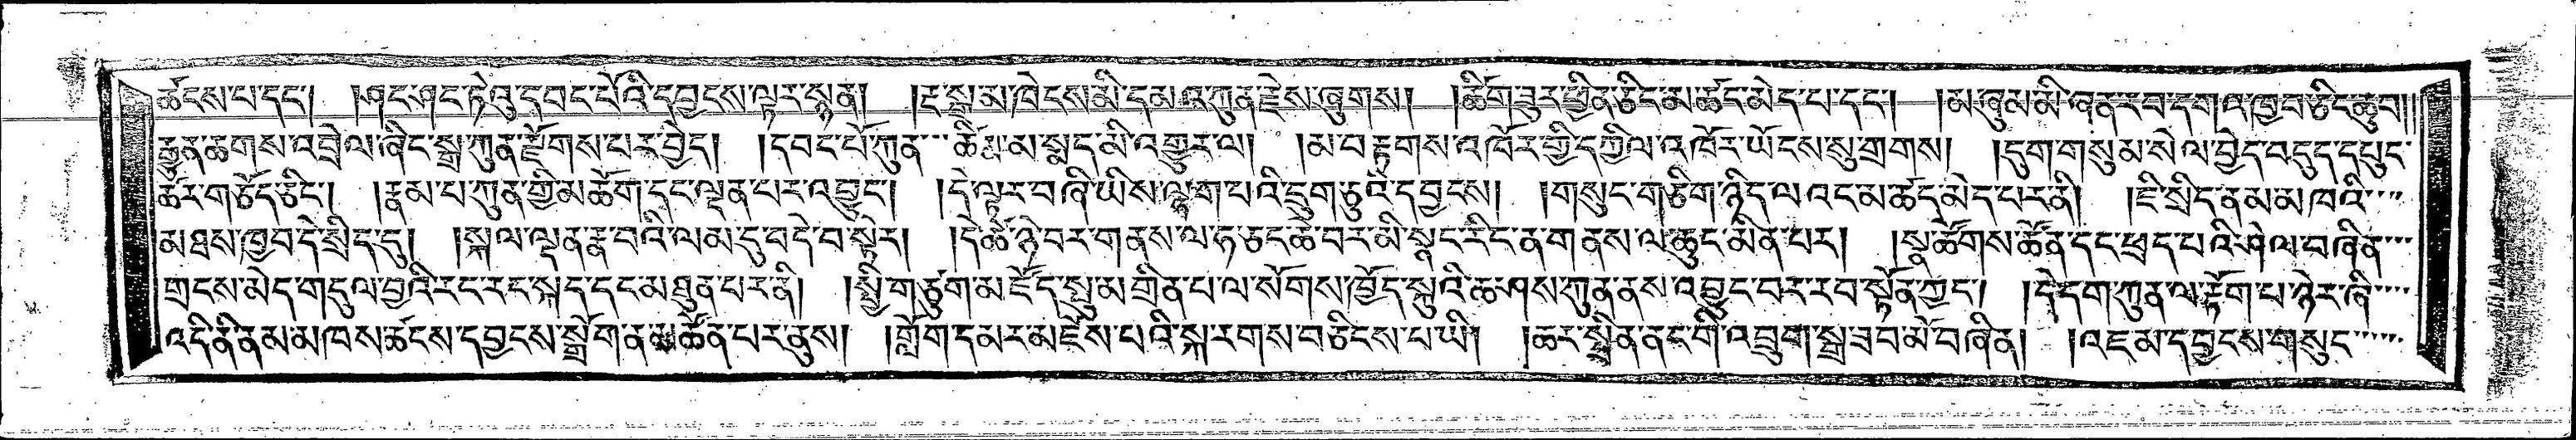ཚངས་པ་དང་། །ཤང་ཤང་ཏེའུ་དབང་པོའི་དབྱངས་ལྟར་སྙན། །རྔ་སྒྲ་མ་ཁེངས་མི་དམའ་ཀུན་རྗེས་ཞུགས། །ཚིག་ཟུར་ཕྱིན་ཅིང་མ་ཚང་མེད་པ་དང་། །མ་ཞུམ་མི་ཞན་རབ་དགའ་ཁྱབ་ཅིང་ཆུབ། །
རྒྱུན་ཆགས་འབྲེལ་ཞིང་སྒྲ་ཀུན་རྫོགས་པར་བྱེད། །དབང་པོ་ཀུན་ཚིམ་མ་སྨད་མི་འགྱུར་ལ། །མ་བརྟགས་འཁོར་གྱི་དཀྱིལ་འཁོར་ཡོངས་སུ་གྲགས། །དུག་གསུམ་སེལ་བྱེད་བདུད་དཔུང་
ཚར་གཅོད་ཅིང་། །རྣམ་པ་ཀུན་གྱི་མཆོག་དང་ལྡན་པར་འབྱུང་། །དེ་ལྟར་བཞི་ཡིས་ལྷག་པའི་དྲུག་ཅུའི་དབྱངས། །གསུང་གཅིག་ཉིད་ལའང་མ་ཚད་མེད་པར་ནི། །ཇི་སྲིད་ནམ་མཁའི་
མཐས་ཁྱབ་དེ་སྲིད་དུ། །སྐལ་ལྡན་རྣ་བའི་ལམ་དུ་བདེ་བ་སྟེར། །དེ་ཚེ་ཉེ་བར་གནས་ལ་ཧ་ཅང་ཆེ་བར་མི་སྣང་རིང་ན་གནས་ལ་ཆུང་མིན་པར། །སྣ་ཚོགས་ཚོན་དང་ཕྲད་པའི་ཤེལ་བཞིན་
གྲངས་མེད་གདུལ་བྱའི་རང་རང་སྐད་དང་མཐུན་པར་ནི། །སྤྱི་གཙུག་མཛོད་སྤུ་མགྲིན་པ་ལ་སོགས་ཁྱོད་སྐུའི་ཆ་ཤས་ཀུན་ནས་འབྱུང་བར་རབ་སྟོན་ཀྱང་། །དེ་དག་ཀུན་ལ་རྟོག་པ་ཉེར་ཞི་
འདི་ནི་ནམ་མཁས་ཚངས་དབྱངས་སྒྲོག་ན་མཚོན་པར་ནུས། །གློག་དམར་མཛེས་པའི་སྐ་རགས་བཅིངས་པ་ཡི། །ཆར་སྤྲིན་ནང་གི་འབྲུག་སྒྲ་ཟབ་མོ་བཞིན། །འཇམ་དབྱངས་གསུང་